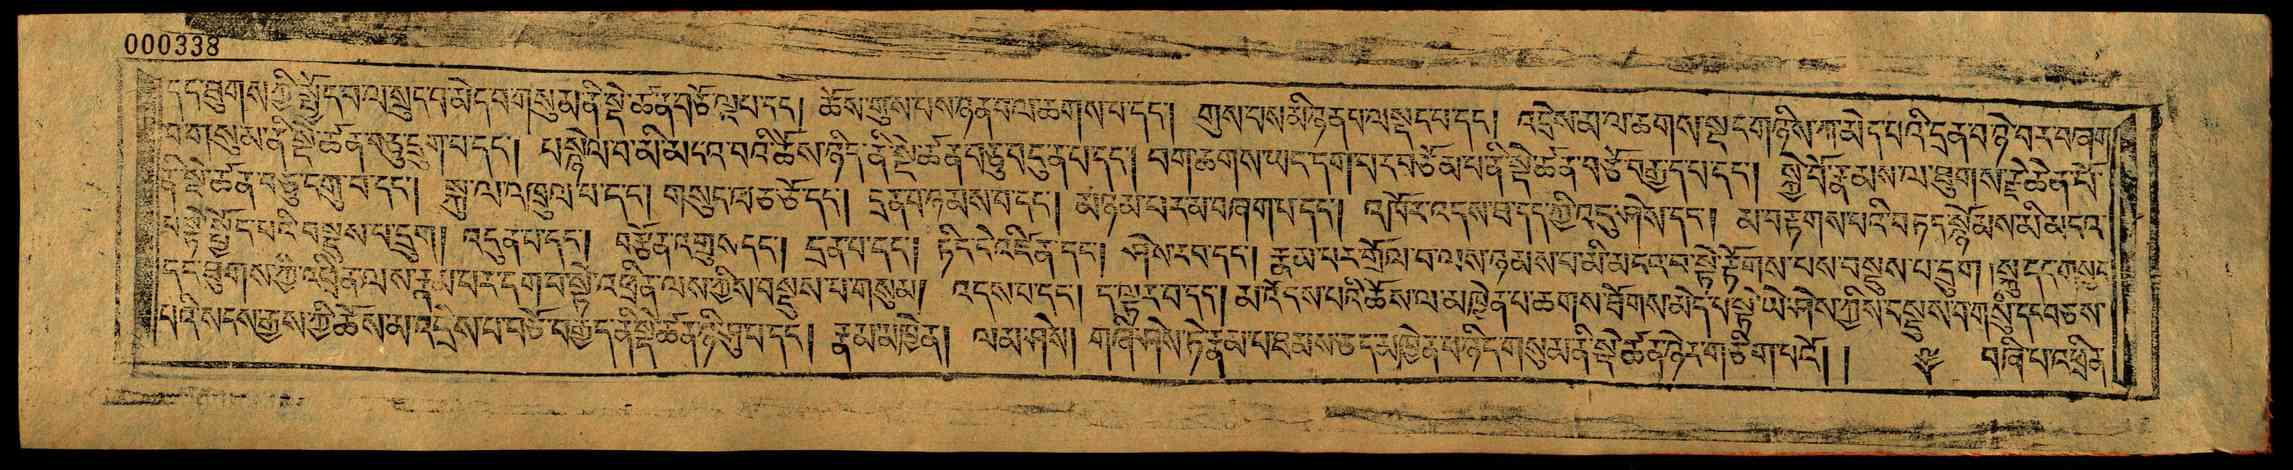དང་ཐུགས་ཀྱི་སྤྱོད་པ་ལ་སྲུང་བ་མེད་པ་གསུམ་ནི་སྡེ་ཚན་བཅོ་ལྔ་བ་དང་། ཆོས་གུས་པས་ཉན་པ་ལ་ཆགས་པ་དང་། གུས་པས་མི་ཉན་པ་ལ་སྡང་པ་དང་། འདྲེས་མ་ལ་ཆགས་སྡང་གཉིས་ཀ་མེད་པའི་དྲན་པ་ཉེ་བར་བཞག་
པ་གསུམ་ནི་སྡེ་ཚན་བཅུ་དྲུག་པ་དང་། བསྙེལ་བ་མི་མངའ་བའི་ཆོས་ཉིད་ནི་སྡེ་ཚན་བཅུ་བདུན་པ་དང་། བག་ཆགས་ཡང་དག་པར་བཅོམ་པ་ནི་སྡེ་ཚན་བཅོ་བརྒྱད་པ་དང་། སྐྱེ་བོ་རྣམས་ལ་ཐུགས་རྗེ་ཆེན་པོ་
ནི་སྡེ་ཚན་བཅུ་དགུ་པ་དང་། སྐུ་ལ་འཁྲུལ་པ་དང་། གསུང་ལ་ཅ་ཅོ་དང་། དྲན་པ་ཉམས་པ་དང་། མཉམ་པར་མ་བཞག་པ་དང་། འཁོར་འདས་ཐ་དད་ཀྱི་འདུ་ཤེས་དང་། མ་བརྟགས་པའི་བཏང་སྙོམས་མི་མངའ་
བ་སྟེ་སྤྱོད་པའི་བསྡུས་པ་དྲུག །འདུན་པ་དང་། བརྩོན་འགྲུས་དང་། དྲན་པ་དང་། ཏིང་ངེ་འཛིན་དང་། ཤེས་རབ་དང་། རྣམ་པར་གྲོལ་བ་ལས་ཉམས་པ་མི་མངའ་བ་སྟེ་རྟོགས་པས་བསྡུས་པ་དྲུག །སྐུ་དང་གསུང་
དང་ཐུགས་ཀྱི་འཕྲིན་ལས་རྣམ་པར་དག་པ་སྟེ་འཕྲིན་ལས་ཀྱིས་བསྡུས་པ་གསུམ། འདས་པ་དང་། ད་ལྟར་བ་དང་། མ་འོངས་པའི་ཆོས་ལ་མཁྱེན་པ་ཆགས་ཐོགས་མེད་པ་སྟེ་ཡེ་ཤེས་ཀྱིས་བསྡུས་པ་གསུམ་དང་བཅས་
པའི་སངས་རྒྱས་ཀྱི་ཆོས་མ་འདྲེས་པ་གཅོ་བརྒྱད་ནི་སྡེ་ཚན་ཉི་ཤུ་པ་དང་། རྣམ་མཁྱེན། ལམ་ཤེས། གཞི་ཤེས་ཏེ་རྣམ་པ་ཐམས་ཅད་མཁྱེན་པ་ཉིད་གསུམ་ནི་སྡེ་ཚན་ཉེར་གཅིག་པའོ།། ༈ བཞི་པ་འཕྲིན་